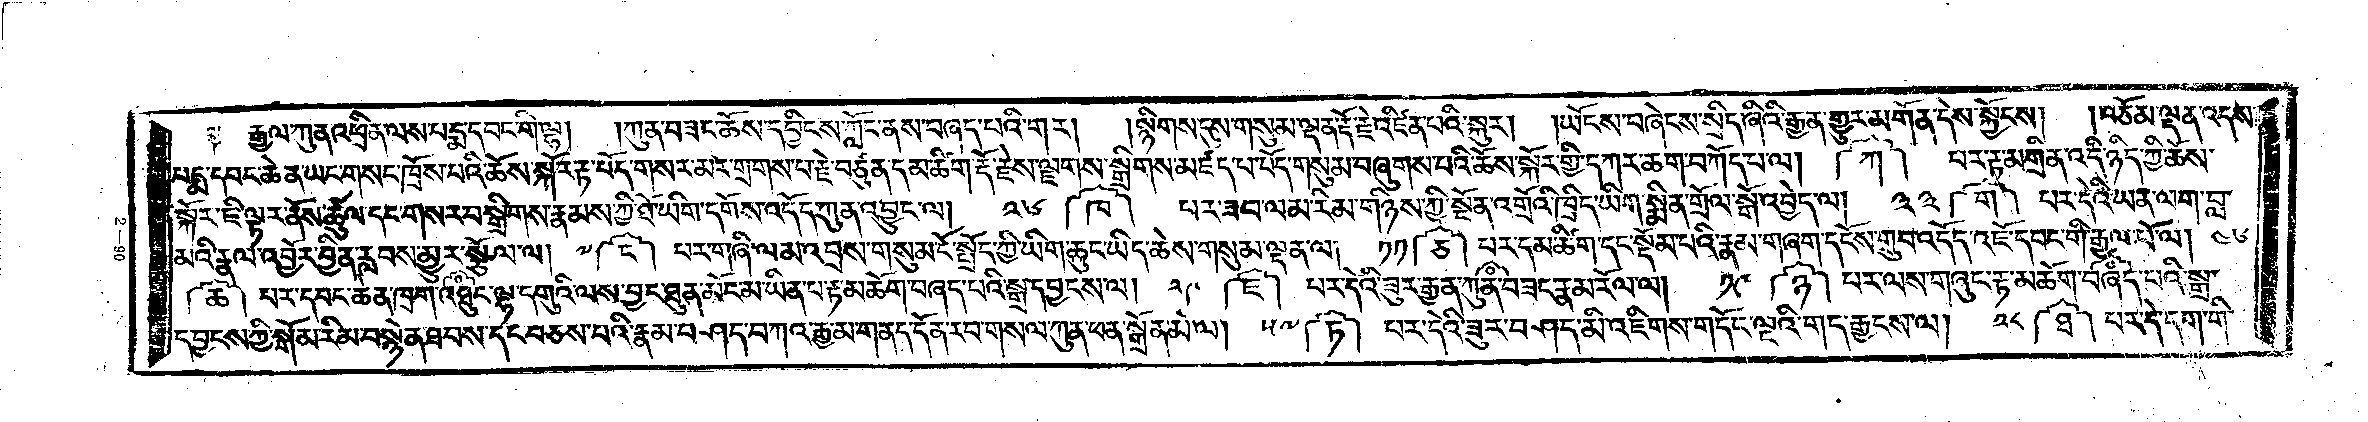༈ རྒྱལ་ཀུན་འཕྲིན་ལས་པདམ་དབང་གི་ལྷ། །ཀུན་བཟང་ཆོས་དབྱིངས་ཀློང་ནས་བཞད་པའི་གར། །སྙིགས་དུས་གསུམ་ལྡན་རྡོ་རྗེ་འཛིན་པའི་སྐུར། །ཡོངས་བཞེངས་སྲིད་ཞིའི་རྒྱན་གྱུར་མགོན་དེས་སྐྱོངས། །བཅོམ་ལྡན་འདས་
པདམ་དབང་ཆེན་ཡང་གསང་ཁྲོས་པའི་ཆོས་སྐོར་རྟ་པོད་གསར་མར་གྲགས་པ་རྗེ་བཙུན་དམ་ཚིག་རྡོ་རྗེས་ལྗགས་སྒྲིགས་མཛད་པ་པོད་གསུམ་བཞུགས་པའི་ཆོས་སྐོར་གྱི་དཀར་ཆག་བཀོད་པ་ལ། ༼ཀ༽ པར་རྟ་མགྲིན་འདི་ཉིད་ཀྱི་ཆོས་
སྐོར་ཇི་ལྟར་ནོས་ཚུལ་དང་གསར་བ་སྒྲིགས་རྣམས་ཀྱི་ཐོ་ཡིག་དགོས་འདོད་ཀུན་འབྱུང་ལ། ༢༦ ༼ཁ༽ པར་ཟབ་ལམ་རིམ་གཉིས་ཀྱི་སྔོན་འགྲོའི་ཁྲིད་ཡིག་སྨིན་གྲོལ་སྒོ་འབྱེད་ལ། ༣༣ ༼ག༽ པར་དེའི་ཡན་ལག་བླ་
མའི་རྣལ་འབྱོར་བྱིན་རླབས་མྱུར་སྩོལ་ལ། ༧ ༼ང༽ པར་གཞི་ལམ་འབྲས་གསུམ་ངོ་སྤྲོད་ཀྱི་ཡིག་ཆུང་ཡིད་ཆེས་གསུམ་ལྡན་ལ༑ ༡༡ ༼ཅ༽ པར་དམ་ཚིག་དང་སྡོམ་པའི་རྣམ་གཞག་དངོས་གྲུབ་འདོད་འཇོ་དབང་གི་རྒྱལ་པོ་ལ། ༤༦
༼ཆ༽ པར་དབང་ཆེན་ཁྲག་འཐུང་ལྷ་དགུའི་ལས་བྱང་ཐུན་མོང་མ་ཡིན་པ་རྟ་མཆོག་བཞད་པའི་སྒྲ་དབྱངས་ལ། ༢༩ ༼ཇ༽ པར་དེའི་ཟུར་རྒྱན་ཀུན་བཟང་རྣམ་རོལ་ལ། ༡༩ ༼ཉ༽ པར་ལས་གཞུང་རྟ་མཆོག་བཞད་པའི་སྒྲ་
དབྱངས་ཀྱི་སྒོམ་རིམ་བསྙེན་ཐབས་དང་བཅས་པའི་རྣམ་བཤད་བཀའ་རྒྱ་མ་གནད་དོན་རབ་གསལ་ཀུན་ཕན་སྒྲོན་མེ་ལ། ༥༧ ༼ཏ༽ པར་དེའི་ཟུར་བཤད་མི་འཇིགས་གདོང་ལྔའི་གད་རྒྱངས་ལ། ༢༨ ༼ཐ༽ པར་དེ་དག་གི་